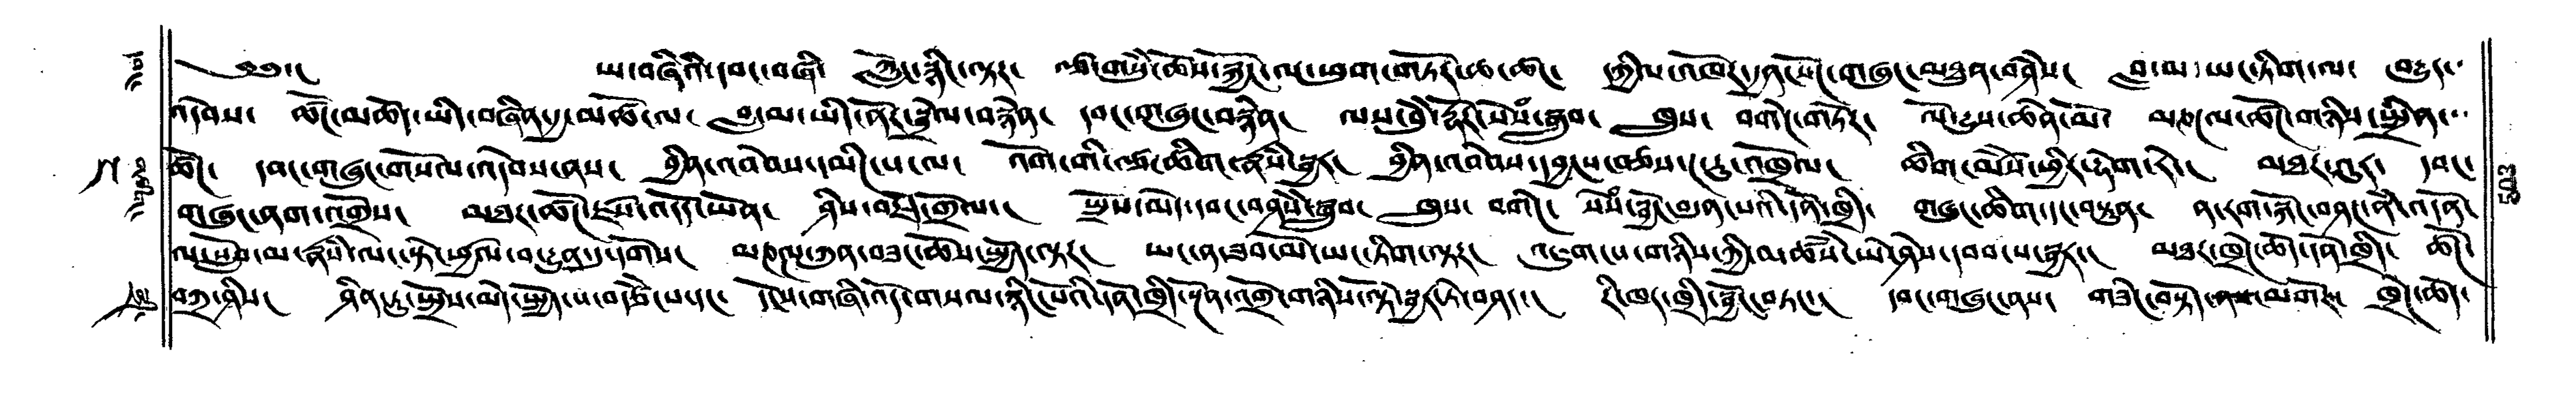ཡ་བཞིའི་དབང་བཞི་ཀློང་སྙིང་ལྟར་རྩ་གསུམ་ཆོས་སྐྱོང་ལ་ཕུག་གཏོར་ཆ་ཚང་། དཀྱིལ་འཁོར་རྒྱན་སོགས་གཞུང་མཐུན་བཤམ། བླ་མ་ཡང་ཏིག་ལ། བརྒྱུད་
འདེབས། ཚོགས་མཆོད་ཡིད་བཞིན་རྒྱ་མཚོ་ལ། བླ་མ་ཡིད་ནོར་སྦྲེལ་བསྙེན། དབང་གཞུང་བསྙེན། ལས་བུམ་རྡོར་སེམས་སྒྲུབ། ཁྲུས། བགེགས་གཏོར། ལོ་རྒྱུས་ཆེན་མོ། མཎྜལ་ཚོགས་གཉིས་སྤྲིན་
ཚོགས། དབང་གཞུང་གསོལ་འདེབས་ནས། བྱིན་འབེབས་དམིགས་པ་ལ། འོག་གི་རྩ་ཚིག་རྣམས་སྦྱར། བྱིན་འབེབས་དབྱངས་བཅས་ཌ་རུ་འཁྲོལ། ཚིག་མཚམས་ཕྱིར་རྡེག་རེ། མཐར་འུར། དབང་
གཞུང་ནག་འགྲོས། མཐར་ཚོགས་རྫས་འདོད་ཡོན། ཤིས་བརྗོད་གྲོལ། སྤྲོས་མེད་དབང་བཤམས་སྒྲུབ། ཁྲུས། བགེགས། སེམས་སྦྱོང་བདུན་པའི་དོན་ཁྲིད། གཞུང་ཚིག་དང་བསྟུན། ན་རག་སྐོང་བཤགས་ནམ་འདོན་
ལ་སློབ་མ་རྣམས་ལངས་ཏེ་ཕྱག་འཚལ་བ་རྒྱུན་དུ་དགོས། མཎྜལ་ཀུན་བཟང་ཆོས་སྤྱོད་ལྟར། ཡང་ན་ཟབ་མོ་ཡང་ཏིག་ལྟར། འཇུག་པ་གཉིས་ཀྱི་མཚམས་ཡེ་ཤེས་དབབ་པ་སྦྱར། མཐར་ཁྲེགས་ཆོད་དོན་ཁྲིད། ཚོགས། 
བཀྲ་ཤིས། ཤིན་ཏུ་སྤྲོས་མེད་སྤྱོད་པ་བརྩམ་པ་དང་། དངོས་གཞི་འོད་གསལ་སྙིང་པོའི་དོན་ཁྲིད་སྔོན་འགྲོ་གཉིས་ལྟོ་སྦྱར་ཏེ་བཤད། རི་ཁར་ཁྲིད་སྦྱོང་གཏང་། དབང་གཞུང་ནས། གཟེངས་བསྟོད་མགོར། ཁྲེགས་ཆོད་